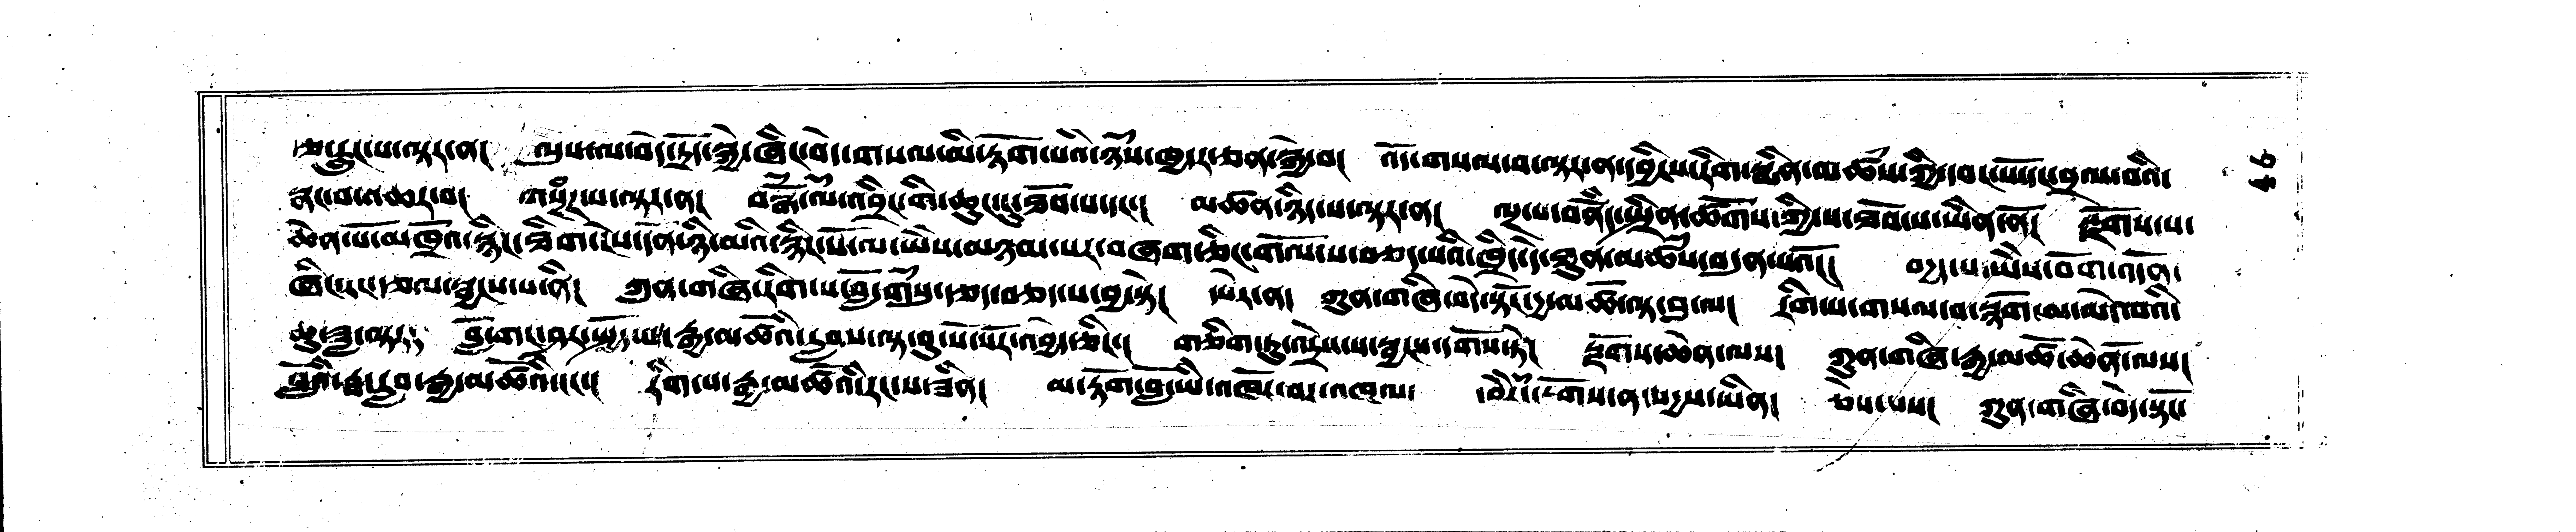རྩ་རླུང་པ་ལྟར་ན། ལུས་ལ་བདེ་དྲོད་སྐྱེ་ཞིང་བདེ་གསལ་མི་རྟོག་པའི་ཉམས་ཁྱད་པར་ཅན་སྐྱེ་བ། འོད་གསལ་བ་ལྟར་ན་དབྱིངས་རིག་སྨིན་མཚམས་ཀྱི་དབང་པོ་དང་བྲལ་བའི་
སྣང་བ་འཆར་བ། གསང་སྔགས་པ་ལྟར་ན། སྒོམ་ལམ་འབྲིང་གི་ཆུང་ངུ་ཐོབ་པ་དང་། མཚན་ཉིད་པ་ལྟར་ན། ལྔ་པ་བོན་ཉིད་སྤྲིན་ཚོགས་ཀྱི་ས་ཐོབ་པ་ཡིན་ནོ། །རྫོགས་པ་
ཆེན་པོ་མཁའ་འགྲོ་སྙིང་ཐིག་ངེས་དོན་ཉི་མའི་སྙིང་པོ་ལས། ཡེ་ཤེས་མཉམ་པར་བཞག་ཅིང་གོལ་ས་བཅད་པའི་ཁྲིད་དེ་ཐུན་མཚམས་བདུན་པའོ།། །།བརྒྱད་པ་ཡེ་ཤེས་བོགས་འདོན་
ཞིང་རྩལ་སྦྱངས་པ་ནི། ཀུན་གཞི་རིག་པ་བློ་གསུམ་རྩད་གཅད་པར་བྱ་སྟེ། དཔེར་ན། ཀུན་གཞི་བདེ་སྟོང་རྒྱ་མཚོ་ལྟ་བུ་ལ། རིག་པ་གསལ་བ་རྙོགས་མ་མེད་པའི་
ཆུ་ཟླ་ལྟར། བློ་གང་ཤར་སྤྱོད་པ་རྒྱ་མཚོའི་རླབས་ལྟ་བུ་སོ་སོར་འབྱེད་ཅིང་། གཅིག་ཏུ་འདྲེས་པ་སྦྱང་དགོས་ཏེ། རྫོགས་ཆེན་ལས། ཀུན་གཞི་རྒྱ་མཚོ་ཆེན་པོ་ལས། 
བློའི་རྦ་རླབས་རྒྱ་མཚོའི་ངང་། རིག་པ་རྒྱ་མཚོའི་རང་ས་ཟིན། མ་རྟོགས་བློ་ཡི་འཁོར་བར་འཁྱམས། མེད་རྟོགས་ན་སངས་རྒྱས་ཡིན། །ཅེས་པས། ཀུན་གཞི་བདེ་སྟོང་